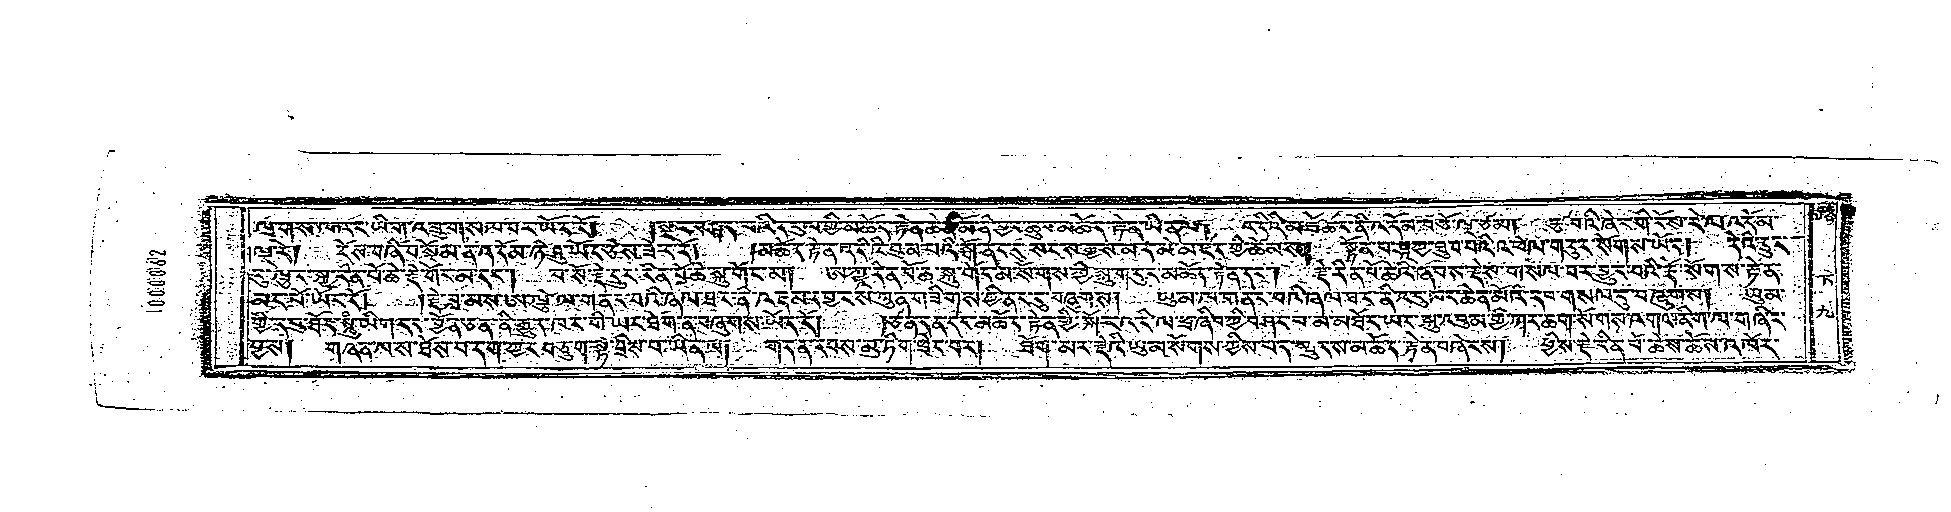ལུགས་ལའང་ཡིག་འབྲུ་གསལ་བར་ཡོད་དོ། །སྔར་བཤད་པའི་དངུལ་གྱི་མཆོད་རྟེན་ཆེན་མོ་ནི་བྱང་ཆུབ་མཆོད་རྟེན་ཡིན་ལ། འདིའི་མཐོ་ཚད་ནི་འདོམ་བཅོ་ལྔ་ཙམ། རྩ་བའི་ཞེང་གི་ངོས་རེ་ལ་འདོམ་
ལྔ་རེ། ངོས་བཞི་བསྡོམ་ན་འདོམ་ཉི་ཤུ་ཡོང་ཅེས་ཟེར་རོ། །མཆོད་རྟེན་འདིའི་བུམ་པའི་སྒོ་ནང་དུ་སངས་རྒྱས་མར་མེ་མཛད་ཀྱི་ཚེམས། སྟོན་བ་ཤཱཀྱ་ཐུབ་པའི་འཕེལ་གདུང་སོགས་ཡོད། དེའི་དྲུང་
དུ་ལྕང་སྐྱ་རིན་པོ་ཆེ་རྗེ་གོང་མ་དང་། བ་སོ་རྗེ་དྲུང་རིན་པོ་ཆེ་སྐུ་གོང་མ། ཨ་ཀྱཱ་རིན་པོ་ཆེ་སྐུ་གོང་མ་སོགས་ཀྱི་སྐུ་གདུང་མཆོད་རྟེན་དང་། རྗེ་རིན་པོ་ཆེའི་ཞབས་རྗེས་གསལ་བར་བྱུང་བའི་རྡོ་སོགས་རྟེན་
མང་པོ་ཡོད་དོ། །རྗེ་བླ་མས་ཨ་ལྕེ་ལ་གནང་བའི་ཞལ་ཐང་ནི་འཇམ་དབྱངས་ཀུན་གཟིགས་ཀྱི་ནང་དུ་བཞུགས། ཡུམ་ལ་གནང་བའི་ཞལ་ཐར་ནི་འདུ་ཁང་ཆེན་མོའི་རབ་གསལ་དུ་བཞུགས། ཡུམ་
གྱི་དབུ་ཐོད་སཱུཾ་ཡིག་དད་བྱོན་ཅན་ནི་རྒྱུད་ཁང་གི་ཡང་ཐོག་ན་བཞུགས་ཡོད་དོ། །ཙན་དན་དང་མཆོད་རྟེན་གྱི་སྐོར་འདི་ལ་ཕྲ་ཞིབ་ཀྱི་བཤད་བ་མ་མཐོང་ཡང་སྐུ་འབུམ་གྱི་གར་ཆག་སོགས་འགའ་ཞིག་ལ་གཞིར་
བྱས། གཞན་ལས་ཐོས་པ་དག་ཀྱང་བཅུག་སྟེ་བྲིས་བ་ཡིན་ལ། གདན་རབས་མུ་ཏིག་ཕྲེང་བར། ཐེག་མར་རྗེའི་ཡུམ་སོགས་ཀྱིས་པད་སྤུངས་མཆོད་རྟེན་བཞེངས། ཕྱིས་རྗེ་རིན་པོ་ཚེས་ཆོས་འཁོར་